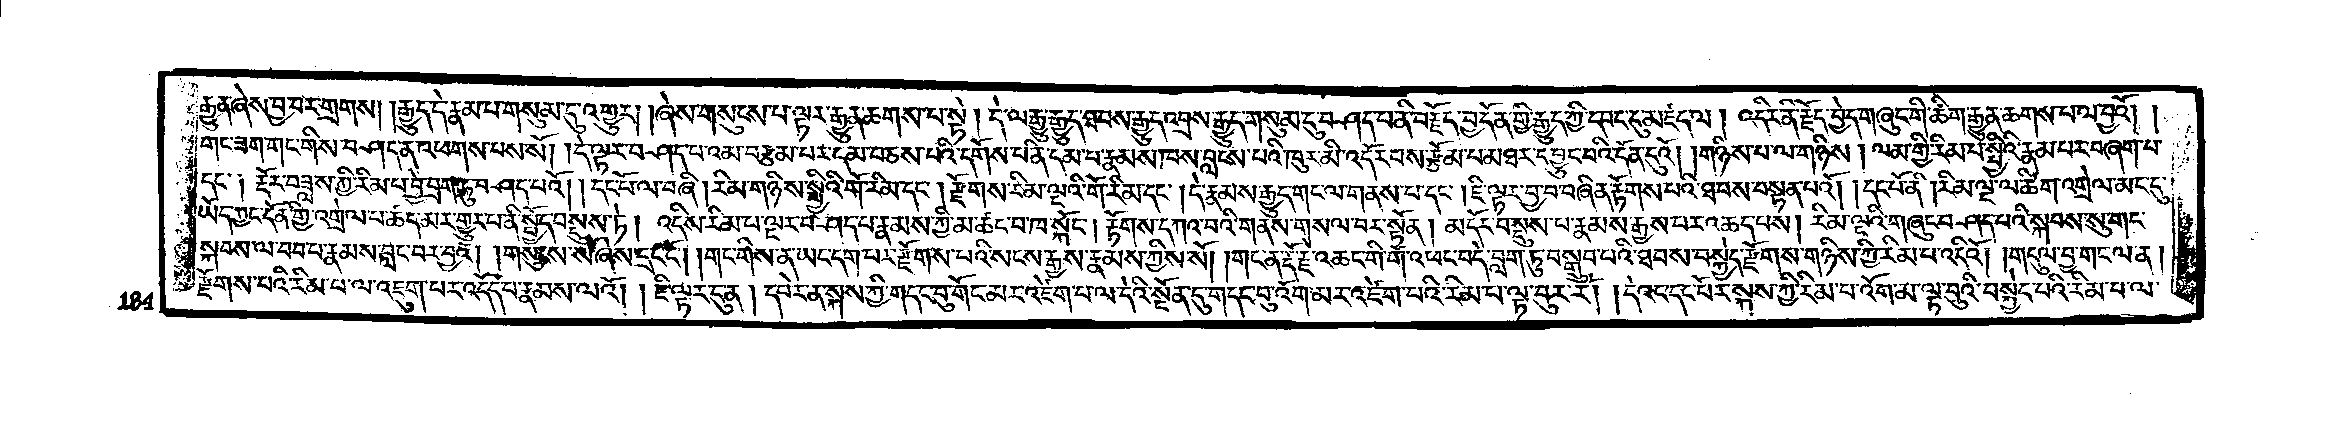རྒྱུན་ཞེས་བྱ་བར་གྲགས། །རྒྱུད་དེ་རྣམ་པ་གསུམ་དུ་འགྱུར། །ཞེས་གསུངས་པ་ལྟར་རྒྱུན་ཆགས་པ་སྟེ། དེ་ལ་རྒྱུ་རྒྱུད་ཐབས་རྒྱུད་འབྲས་རྒྱུད་གསུམ་དུ་བཤད་པ་ནི་བརྗོད་བྱ་དོན་གྱི་རྒྱུད་ཀྱི་དབང་དུ་མཛད་ལ། འདིར་ནི་རྗོད་བྱེད་གཞུང་གི་ཚིག་རྒྱུན་ཆགས་པ་ལ་བྱའོ། །
གང་ཟག་གང་གིས་བཤད་ན་འཕགས་པས་སོ། །དེ་ལྟར་བཤད་པ་འམ་བརྩམ་པར་དམ་བཅས་པའི་དགོས་པ་ནི་དམ་པ་རྣམས་ཁས་བླངས་པའི་ཁུར་མི་འདོར་བས་རྩོམ་པ་མཐར་དབྱུང་བའི་དོན་དུའོ། །གཉིས་པ་ལ་གཉིས། ལམ་གྱི་རིམ་པ་སྤྱིའི་རྣམ་པར་བཞག་པ་
དང་། རྡོར་བཟླས་ཀྱི་རིམ་པ་བྱེ་བྲག་ཏུ་བཤད་པའོ། །དང་པོ་ལ་བཞི། རིམ་གཉིས་སྤྱིའི་གོ་རིམ་དང་། རྫོགས་རིམ་ལྔའི་གོ་རིམ་དང་། དེ་རྣམས་རྒྱུད་གང་ལ་གནས་པ་དང་། ཇི་ལྟར་བྱ་བ་བཞིན་རྟོགས་པའི་ཐབས་བསྟན་པའོ། །དང་པོ་ནི། རིམ་ལྔ་ལ་ཚིག་འགྲེལ་མང་དུ་
ཡོད་ཀྱང་དོན་གྱི་འགྲེལ་པ་ཚད་མར་གྱུར་པ་ནི་སྤྱོད་བསྡུས་ཏེ། འདིས་རིམ་པ་ལྔར་བཤད་པ་རྣམས་ཀྱི་མ་ཚང་བ་ཁ་སྐོང་། རྟོགས་དཀའ་བའི་གནས་གསལ་བར་སྟོན། མདོར་བསྡུས་པ་རྣམས་རྒྱས་པར་འཆད་པས། རིམ་ལྔའི་གཞུང་བཤད་པའི་སྐབས་སུ་གང་
སྐབས་ལ་བབ་པ་རྣམས་བླང་བར་བྱའོ། །གསུངས་སོ་ཞེས་དྲང་པོ། །གང་གིས་ན་ཡང་དག་པར་རྫོགས་པའི་སངས་རྒྱས་རྣམས་ཀྱིས་སོ། །གང་ན་རྡོ་རྗེ་འཆང་གི་གོ་འཕང་བདེ་བླག་ཏུ་བསྒྲུབ་པའི་ཐབས་བསྐྱེད་རྫོགས་གཉིས་ཀྱི་རིམ་པ་འདིའོ། །གདུལ་བྱ་གང་ལ་ན།
རྫོགས་པའི་རིམ་པ་ལ་འཇུག་པར་འདོད་པ་རྣམས་ལའོ། །ཇི་ལྟར་དུ་ན། དཔེར་ན་སྐས་ཀྱི་གདང་བུ་གོང་མར་འཛེག་པ་ལ་དེའི་སྔོན་དུ་གདང་བུ་འོག་མར་འཛེག་པའི་རིམ་པ་ལྟ་བུར་རོ། །དེའང་དང་པོར་སྐས་ཀྱི་རིམ་པ་འོག་མ་ལྟ་བུའི་བསྐྱེད་པའི་རིམ་པ་ལ་